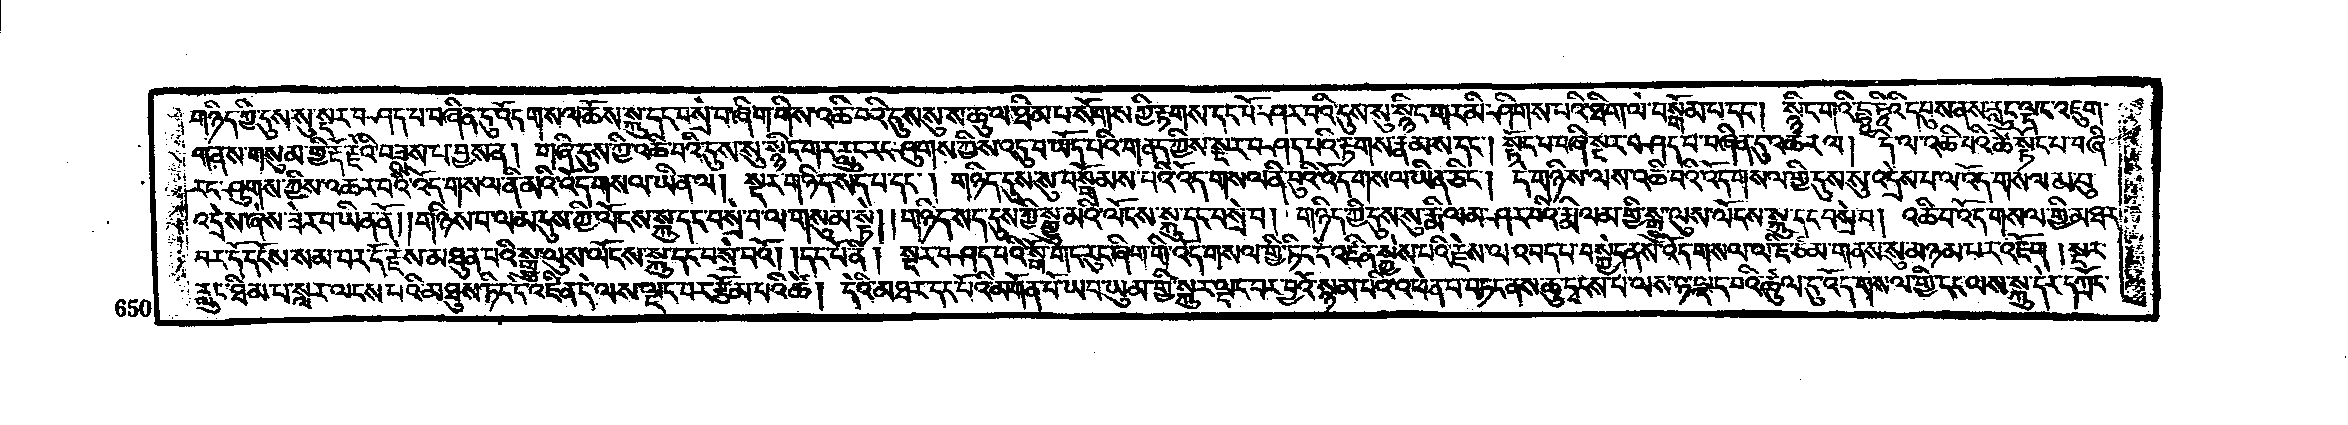གཉིད་ཀྱི་དུས་སུ་སྔར་བཤད་པ་བཞིན་དུ་འོད་གསལ་ཆོས་སྐུ་དང་བསྲེ་བ་ཞིག་གིས་འཆི་བའི་དུས་སུ་ས་ཆུ་ལ་ཐིམ་པ་སོགས་ཀྱི་རྟགས་དང་པོ་ཤར་བའི་དུས་སུ་སྙིང་གར་མི་ཤིགས་པའི་ཐིག་ལེ་བསྒོམ་པ་དང་། སྙིང་གའི་དྷཱུ་ཏཱིའི་དབུས་ནས་རླུང་ལྡང་འཇུག་
གནས་གསུམ་གྱི་རྡོ་རྗེའི་བཟླས་པ་བྱས་ན། གཞི་དུས་ཀྱི་འཆི་བའི་དུས་སུ་སྙིང་གར་རླུང་རང་ཤུགས་ཀྱིས་འདུ་བ་ཡོད་པའི་གནད་ཀྱིས་སྔར་བཤད་པའི་རྟགས་རྣམས་དང་། སྟོང་པ་བཞི་སྔར་བཤད་པ་བཞིན་དུ་འཆར་ལ། དེ་ལ་འཆི་བའི་ཚེ་སྟོང་པ་བཞི་
རང་ཤུགས་ཀྱིས་འཆར་བའི་འོད་གསལ་ནི་མའི་འོད་གསལ་ཡིན་ལ། སྔར་གཉིད་སད་པ་དང་། གཉིད་དུས་སུ་བསྒོམས་པའི་འོད་གསལ་ནི་བུའི་འོད་གསལ་ཡིན་ཅིང་། དེ་གཉིས་ལས་འཆི་བའི་འོད་གསལ་གྱི་དུས་སུ་འདྲེས་པ་ལ་འོད་གསལ་མ་བུ་
འདྲེས་ཞེས་ཟེར་བ་ཡིན་ནོ། །གཉིས་པ་ལམ་དུས་ཀྱི་ལོངས་སྐུ་དང་བསྲེ་བ་ལ་གསུམ་སྟེ། །གཉིད་སད་དུས་ཀྱི་སྒྱུ་མའི་ལོངས་སྐུ་དང་བསྲེ་བ། །གཉིད་ཀྱི་དུས་སུ་རྨི་ལམ་ཤར་བའི་རྨི་ལམ་གྱི་སྒྱུ་ལུས་ལོངས་སྐུ་དང་བསྲེ་བ། འཆི་བ་འོད་གསལ་གྱི་མཐར་
བར་དོ་དངོས་སམ་བར་དོ་རྗེས་མཐུན་པའི་སྒྱུ་ལུས་ལོངས་སྐུ་དང་བསྲེ་བའོ། །དང་པོ་ནི། སྔར་བཤད་པའི་སྒོ་གང་རུང་ཞིག་གི་འོད་གསལ་གྱི་ཏིང་ངེ་འཛིན་སྐྱེས་པའི་རྗེས་ལ་འབད་པ་བསྐྱེད་ནས་འོད་གསལ་ལ་ཇི་ཙམ་གནས་སུ་མཉམ་པར་འཇོག། །སྤར་
རླུང་ཐིམ་པ་སླར་ལངས་པའི་མཐུས་ཏིང་ངེ་འཛིན་དེ་ལས་ལྡང་བར་རྩོམ་པའི་ཚེ། དེའི་མཐར་དང་པོའི་མགོན་པོ་ཡབ་ཡུམ་གྱི་སྐུར་ལྡང་བར་བྱའོ་སྙམ་པའི་འཕེན་པ་བཏང་ནས་ཆུ་དྭངས་པ་ལས་ཉ་ལྡང་བའི་ཚུལ་དུ་འོད་གསལ་གྱི་ངང་ལས་སྐུ་དེར་དཀྲོང་